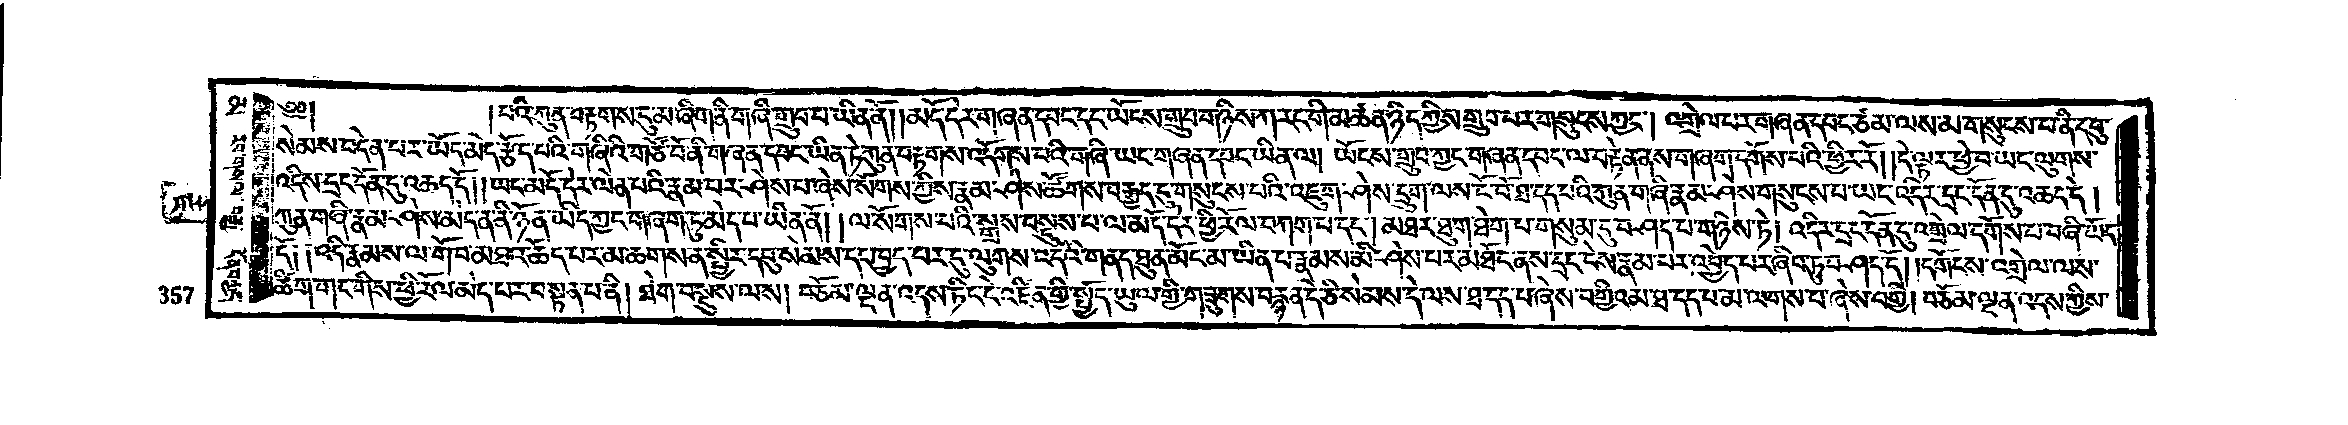༄༅། །པའི་ཀུན་བརྟགས་དུ་མ་ཞིག་ནི་གཞི་གྲུབ་པ་ཡིན་ནོ། །མདོ་དེར་གཞན་དབང་དང་ཡོངས་གྲུབ་གཉིས་ཀ་རང་གི་མཚན་ཉིད་ཀྱིས་གྲུབ་པར་གསུངས་ཀྱང་། འགྲེལ་པར་གཞན་དབང་ཙམ་ལས་མ་གསུངས་པ་ནི་དབུ་
སེམས་བདེན་པར་ཡོད་མེད་རྩོད་པའི་གཞིའི་གཙོ་བོ་ནི་གཞན་དབང་ཡིན་ཏེ་ཀུན་བརྟགས་འདོགས་པའི་གཞི་ཡང་གཞན་དབང་ཡིན་ལ། ཡོངས་གྲུབ་ཀྱང་གཞན་དབང་ལ་བརྟེན་ནས་གཞག་དགོས་པའི་ཕྱིར་རོ། །དེ་ལྟར་ཕྱེ་བ་ཡང་ལུགས་
འདིས་དྲང་དོན་དུ་འཆད་དོ། །ཡང་མདོ་དེར་ལེན་པའི་རྣམ་པར་ཤེས་པ་ཞེས་སོགས་ཀྱིས་རྣམ་ཤེས་ཚོགས་བརྒྱད་དུ་གསུངས་པའི་འཇུག་ཤེས་དྲུག་ལས་ངོ་བོ་ཐ་དད་པའི་ཀུན་གཞི་རྣམ་ཤེས་གསུངས་པ་ཡང་འདིར་དྲང་དོན་དུ་འཆད་དོ།
ཀུན་གཞི་རྣམ་ཤེས་མེད་ན་ནི་ཉོན་ཡིད་ཀྱང་གཞག་ཏུ་མེད་པ་ཡིན་ནོ། །ལ་སོགས་པའི་སྒྲས་བསྡུས་པ་ལ་མདོ་དེར་ཕྱི་རོལ་བཀག་པ་དང་། མཐར་ཐུག་ཐེག་པ་གསུམ་དུ་བཤད་པ་གཉིས་ཏེ། འདིར་དྲང་དོན་དུ་འགྲེལ་དགོས་པ་བཞི་ཡོད་
དོ། །འདི་རྣམས་ལ་གོ་བ་མཐའ་ཆོད་པར་མ་ཆགས་ན་སྤྱིར་དབུ་སེམས་དང་ཁྱད་པར་དུ་ལུགས་འདེའི་གནད་ཐུན་མོང་མ་ཡིན་པ་རྣམས་མི་ཤེས་པར་མཐོང་ནས་དྲང་ངེས་རྣམ་པར་འབྱེད་པར་ཞིབ་ཏུ་བཤད་དོ། །དགོངས་འགྲེལ་ལས་
ཚིག་གང་གིས་ཕྱི་རོལ་མེད་པར་བསྟན་པ་ནི། ཐེག་བསྡུས་ལས། བཅོམ་ལྡན་འདས་ཏིང་ངེ་འཛིན་གྱི་སྤྱོད་ཡུལ་གྱི་གཟུགས་བརྙན་དེ་ཅི་སེམས་དེ་ལས་ཐ་དད་པ་ཞེས་བགྱིའམ་ཐ་དད་པ་མ་ལགས་པ་ཞེས་བགྱི། བཅོམ་ལྡན་འདས་ཀྱིས་